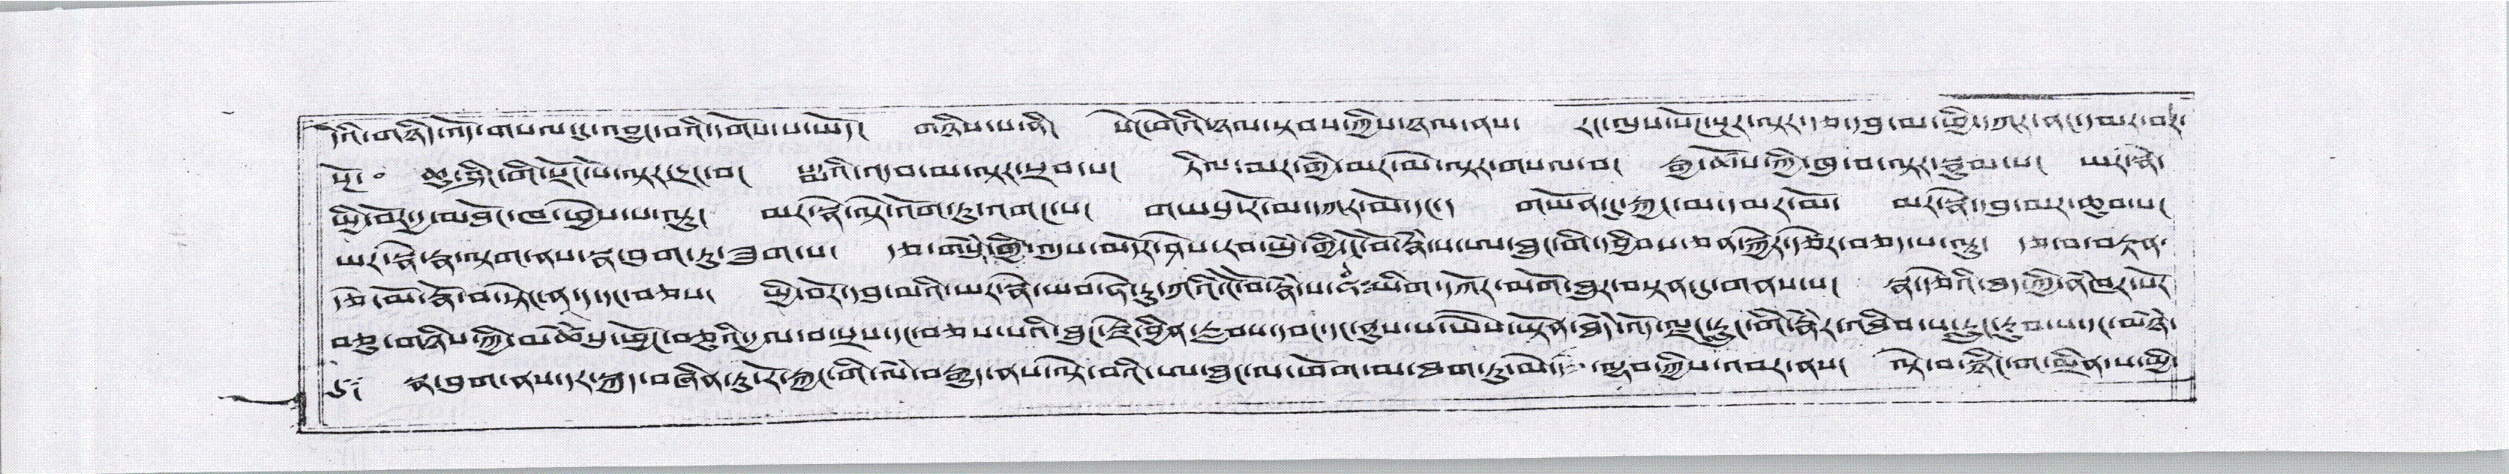དེའི་གཉིད་འོད་གསལ་དུ་འབྱུང་བའི་དགོས་པ་ཡོད། གཉིས་པ་ནི། སེང་གེའི་ཉལ་སྟབས་ཀྱིས་ཉལ་ནས། རང་ལུས་སོགས་སྔར་ལྟར་རྩ་དབུ་མ་ཕྱི་དཀར་ནང་དམར་བར་
སྔོ། ཆུ་ཤིང་གི་སྡོང་པོ་ལྟར་དྲང་བ། པདྨའི་འདབ་མ་ལྟར་སྲབ་པ། ཏིལ་མར་གྱི་མར་མེ་ལྟར་གསལ་བ། རྒྱ་ཚོས་ཀྱི་ཁུ་བ་ལྟར་སྣུམ་པ། ཡར་སྣེ་
སྤྱི་བོར་རྒྱ་མཐོང་ཁ་ཕྱེས་པ་ལྟ་བུ། མར་སྣེ་ལྟེ་འོག་ཏུ་འགགས་པ། གཡས་སུ་རོ་མ་དཀར་མོ་དང། གཡོན་དུ་རྐྱང་མ་དམར་མོ། མར་སྣེ་དབུ་མར་ཆུབ་པ་
ཡར་སྣེ་རྣ་ལྟག་ནས་སྣ་བུག་ཏུ་ཟུག་པ། རྩ་གསུམ་གྱི་འདུས་མདོར་ཤེས་རབ་ཡུམ་གྱི་ངོ་བོ་རྣམ་པ་ཨ་ཐུང་གི་དབྱིབས་ཅན་སྐྱེར་རྩེར་བཅད་པ་ལྟ་བུ། རྩ་བ་བརྟན་
རྩེ་མོ་རྣོ་བ་སྟེང་ན་ད་དང་བཅས། སྤྱི་བོར་དབུ་མའི་ཡར་སྣེ་ཡབ་ཧེ་རུ་ཀའི་ངོ་བོ་རྣམས་ས་ཧཿཡིག་དཀར་པོ་མགོ་ཟུར་བསྟན་དུ་གནས་པ། སྣ་རྩེའི་ཐད་ཀྱི་ནམ་མཁར་སོར་
བཅུ་གཉིས་ཀྱི་མཚམས་སུ་ཕྱོགས་བཅུའི་རྒྱལ་བ་སྲས་དང་བཅས་པའི་ཐུགས་རྗེ་བྱིན་རླབས་དབང་དང་ནུས་པ་ཡེ་ཤེས་ཡོན་ཏན་ཐམས་ཅད་འོད་ལྗང་རླུང་གི་རྣམ་པར་འཐིབ་པ་རླུང་རྔུབ་པ་དང་མཉམ་
དུ། སྣ་བུག་ནས་དར་སྐུད་བཞིན་ཏུ་རོ་རྐྱང་གི་ལམ་བརྒྱུད་ནས་ལྟེ་བའི་ཨ་ཐུང་ལ་ཕོག་མ་ཐག་ཏུ་མེ་རྩེ་ལྷབ་ཀྱིས་འབར་ནས། ལྟེ་བ་སྙིང་ག་མགྲིན་པ་སྤྱི་